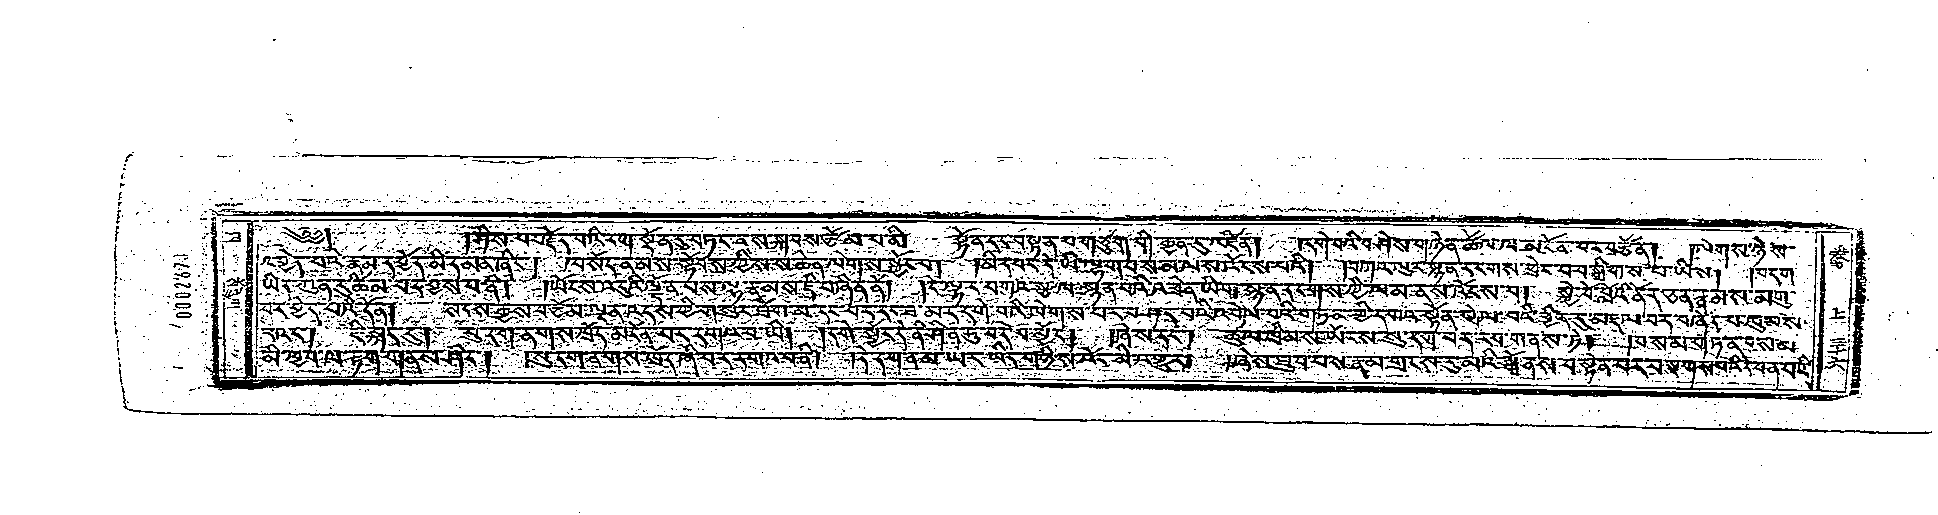༄༅། །ཤིས་བ་བརྗོད་བའི་དག་སྔོན་དུ་བཏང་ནས་སྐབས་རྩོམ་བ་ནི། སྟོན་དང་བསྟན་པ་གཙུག་གི་རྒྱན་དུ་འཛིན། །དགེ་བའི་བཤེས་གཉེན་ཚོལ་ལ་མངོན་པར་བརྩོན། །ལེགས་ཉེས་
འབྱེད་པའི་རྣམ་དཔྱོད་མི་དམན་ཞིང་། །བསོད་ནམས་སྟོབས་ཀྱིས་ས་ཆེན་ལེགས་སྐྱོང་བ། །མི་དབང་དེ་ཡི་ལྷག་བསམ་ལས་འོངས་པའི། །བཀའ་ལུང་སྙན་དངགས་ཕྲེང་བ་བསྒྲིགས་པ་ཡིས། །བདག་
ཡིད་ཀུན་དུ་ཚིམ་བར་བྱས་པ་ནི། །ཡོངས་འདུའི་ལྗོན་པས་ལྷ་རྣམས་ཇི་བཞིན་ནོ། །དེ་ལྟར་བཀའ་སྩལ་སྙན་བའི་འཕྲིན་ཡིག་སྙན་དངགས་ཀྱི་ལམ་ནས་འོངས་པ། སྐྱེ་བོ་བློའི་ནོར་ཅན་རྣམས་མགུ་
བར་བྱེད་བའི་དོན། སངས་རྒྱས་བཅོམ་ལྡན་འདས་ཀྱི་གསུང་ཐོག་མ་དང་བར་དང་ཐ་མར་དགེ་བའི་ལེགས་བར་བཤད་བའི་འབེལ་བའི་གཏན་གྱི་དགའ་སྟོན་སྤེལ་བའི་ཕྱིར་དུ་མཇལ་བར་བཞེད་པ་ཁུམས་
དའང་། ཇི་སྐད་དུ། པུ་དག་ནགས་ཁྲོད་མངོན་བར་དགའ་བ་ཡི། །དགེ་སྤྱོད་དེ་ནི་ཤིན་ཏུ་བདེ་བ་མྱོང་། །ཞེས་དང་། ཚུལ་ཁྲིམས་ཡོངས་སུ་དག་པར་རབ་གནས་ཏེ། །བསམ་གཏན་བསམ་
མི་ཁྱབ་ལ་རྟག་གནས་ཤིང་། །སུ་དག་ནགས་ཁྲོད་ཞི་བར་དགའ་བ་ནི། །དེ་དག་ནམ་ཡང་ཡིད་གཉིས་འོང་མི་འགྱུར། །ཞེས་ཐུབ་པས་རྣམ་གྲངས་དུ་མའི་སྒོ་ནས་བསྟེན་པར་བསྔགས་པའི་དབན་པའི་